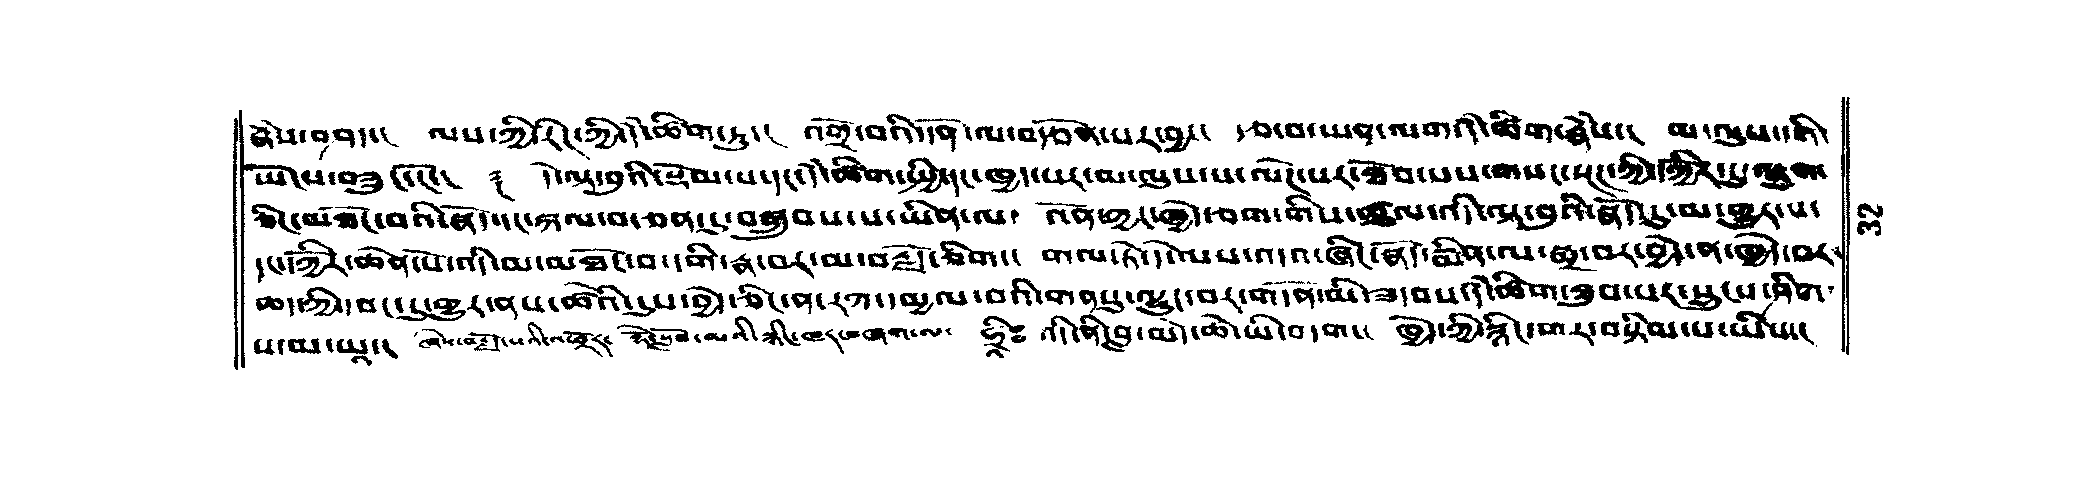རྣམས་བཤད། ལས་ཀྱི་རིགས་ཀྱི་དམ་ཚིག་ཏུ། འགྲོ་བའི་དོན་ལ་བརྩོན་པར་བྱ། རྩ་བ་ཡན་ལག་དམ་ཚིག་རྣམས། མ་ལུས་དག་གི་
ཡོངས་བཟུང་ངོ་།༈ དེ་ལྟ་བུའི་སྡོམ་པ་དང་དམ་ཚིག་སྤྱི་དང་ཁྱད་པར་མ་ལུས་པ་ལེགས་པར་ཐོབ་པས་གསང་སྔགས་ཀྱི་དཀྱིལ་འཁོར་དུ་ལྷུག་
ཅིང་མཐོང་བའི་སྣོད་དང་སྐལ་བ་ཅན་དུ་བསྒྲུབས་པ་ཡིན་ལ། འོན་ཀྱང་ཁྱེད་ཅག་གིས་ཚུལ་འདི་ལྟ་བུའི་སྣོད་དུ་མ་གྱུར་པ་
དང་དཀྱིལ་འཁོར་ཆེན་པོ་འདི་མ་མཐོང་བ་དག་གི་རྣ་བར་མ་བརྗོད་ཅིག གལ་ཏེ་དེ་ལས་འདའ་ཞིང་སྣོད་སྨིན་ལ་སྨྲ་བར་བྱེད་ན་ཁྱེད་བར་
ཆད་ཀྱི་དབང་དུ་གྱུར་ནས་ཚེའི་དུས་བྱེད་ཅིང་ན་རཀ་དམྱལ་བའི་གནད་སུ་ལྷུང་བར་གདོན་མི་ཟ་བས་དམ་ཚིག་ཐུབ་པར་སྲུངས་ཤིག་
ས་མ་ཡཱ། ཞེས་བརྗོད་པའི་འཕྲོར། རྡོ་རྗེ་སློབ་མའི་སྙིང་ཁར་བཞག་ལ། ཧྲཱིཿ འདི་ནོ་བླ་མེད་ཆེ་ཡི་བདག ཁྱོད་ཀྱི་སྙིང་གར་བསྟིམ་པ་ཡིས།